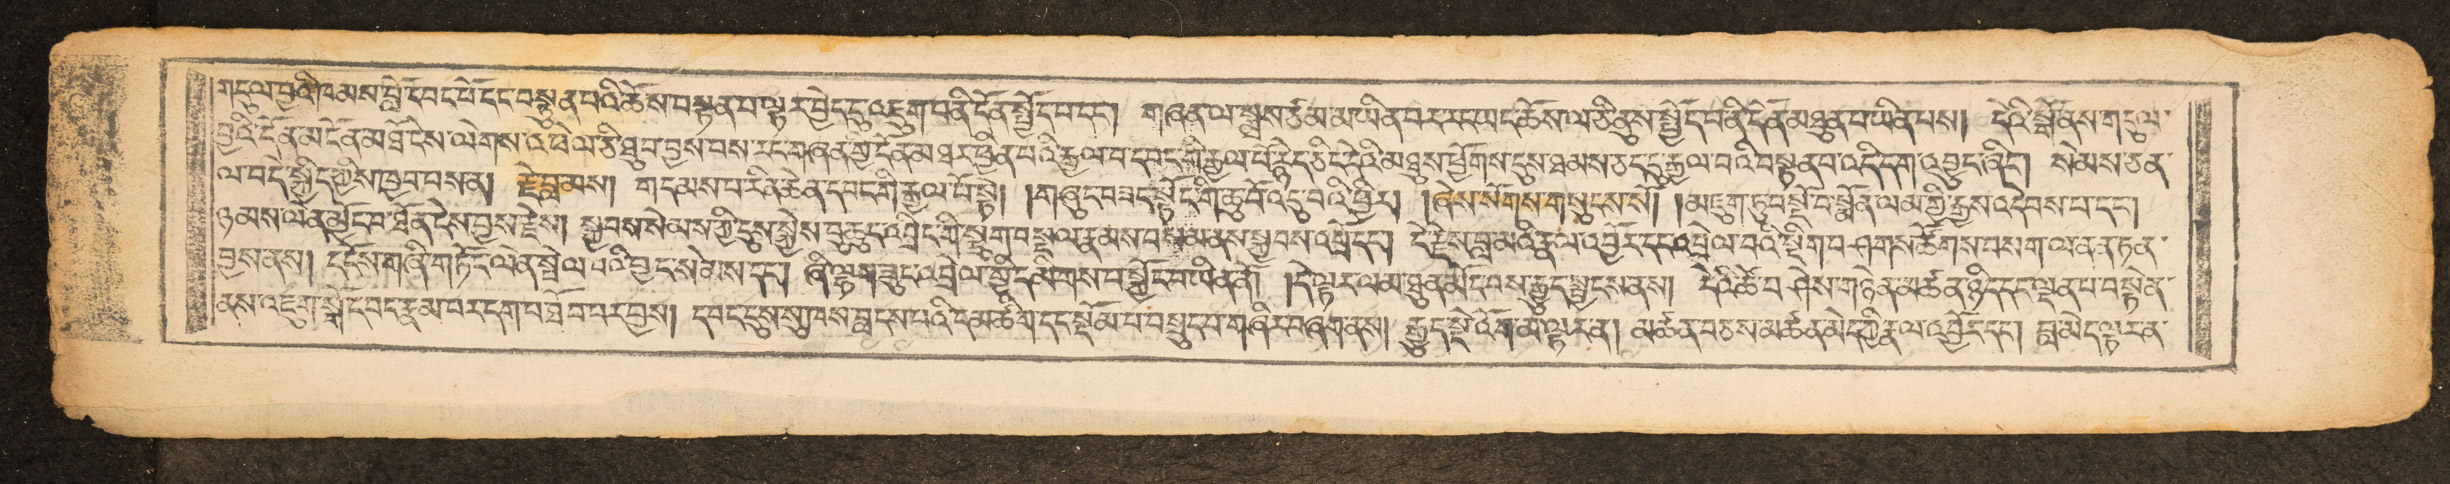གདུལ་བྱའི་ཁམས་བློ་དབང་བོ་དང་བསྟུན་པའི་ཆོས་བསྟན་པ་ལྟར་བྱེད་དུ་འཇུག་པ་ནི་དོན་སྦྱོད་པ་དང་། གཞན་ལ་སྨྲས་ཙམ་མ་ཡིན་པར་རང་ཡང་ཆོས་ལ་ཅི་ནུས་སྤྱོད་པ་ནི་དོན་མཐུན་པ་ཡིན་པས། དེའི་སྒོ་ནས་གདུལ་
བྱའི་དོན་མངོན་མཐོ་ངེས་ལེགས་འཕེལ་ཅི་ཐུབ་བྱས་པས་རང་གཞན་གྱི་དོན་མཐར་ཕྱིན་པའི་རྒྱལ་བ་དབང་གི་རྒྱལ་བོ་རྙེད་ཅིང་དེའི་མཐུས་ཕྱོགས་དུས་ཐམས་ཅད་དུ་རྒྱལ་བའི་བསྟན་པ་འདི་དག་འབྱུང་ཞིང་། སེམས་ཅན་
ལ་བདེ་སྐྱིད་ཀྱིས་ཁྱབ་པས་ན། རྗེ་བླ་མས། གདམས་པ་རིན་ཆེན་དབང་གི་རྒྱལ་པོ་སྟེ། །གཞུང་བཟང་སྟོང་གི་ཆུ་བོ་འདུ་བའི་ཕྱིར། །ཞེས་སོགས་གསུངས་སོ། །མཇུག་ཏུ་བསྔོ་བ་སྨོན་ལམ་གྱི་རྒྱས་འདེབས་པ་དང་།
ཉམས་ལེན་མྱོང་བ་ཐོན་ངེས་བྱས་རྗེས། སྐྱབས་སེམས་ཀྱི་དུས་སྐྱེས་བུ་ཆུང་འབྲིང་གི་སྡུག་བསྔལ་རྣམས་བསམ་ནས་སྐྱབས་འགྲོ་དང་། དེ་རྗེས་བླ་མའི་རྣལ་འབྱོར་དང་འབྲེལ་བའི་སྡིག་བཤགས་ཚོགས་བསག་ལ་ནན་ཏན་
བྱས་ནས། དངོས་གཞི་གཏོང་ལེན་སྤེལ་བའི་བྱང་སེམས་དང་། ཞི་ལྷག་ཟུང་འབྲེལ་གྱི་དམིགས་བ་སྐྱོང་བ་ཡིན་ནོ། །དེ་ལྟར་ལམ་ཐུན་མོང་བས་རྒྱུད་སྦྱངས་ནས། དེའི་ཚེ་བཤེས་གཉེན་མཚན་ཉིད་དང་ལྡན་པ་བསྟེན་
ནས་འཇུག་སྒོམ་ནོར་བང་རྣམ་པར་དག་པ་ཐོབ་པར་བྱས། དབང་དུས་སུ་ཁས་བླངས་པའི་དམ་ཚིག་དང་སྡོམ་པ་བསྲུང་པ་གཞིར་བཞག་ནས། རྒྱུད་སྡེ་འོག་མ་ལྟར་ན། མཚན་བཅས་མཚན་མེད་ཀྱི་རྣལ་འབྱོར་དང་། བླ་མེད་ལྟར་ན་